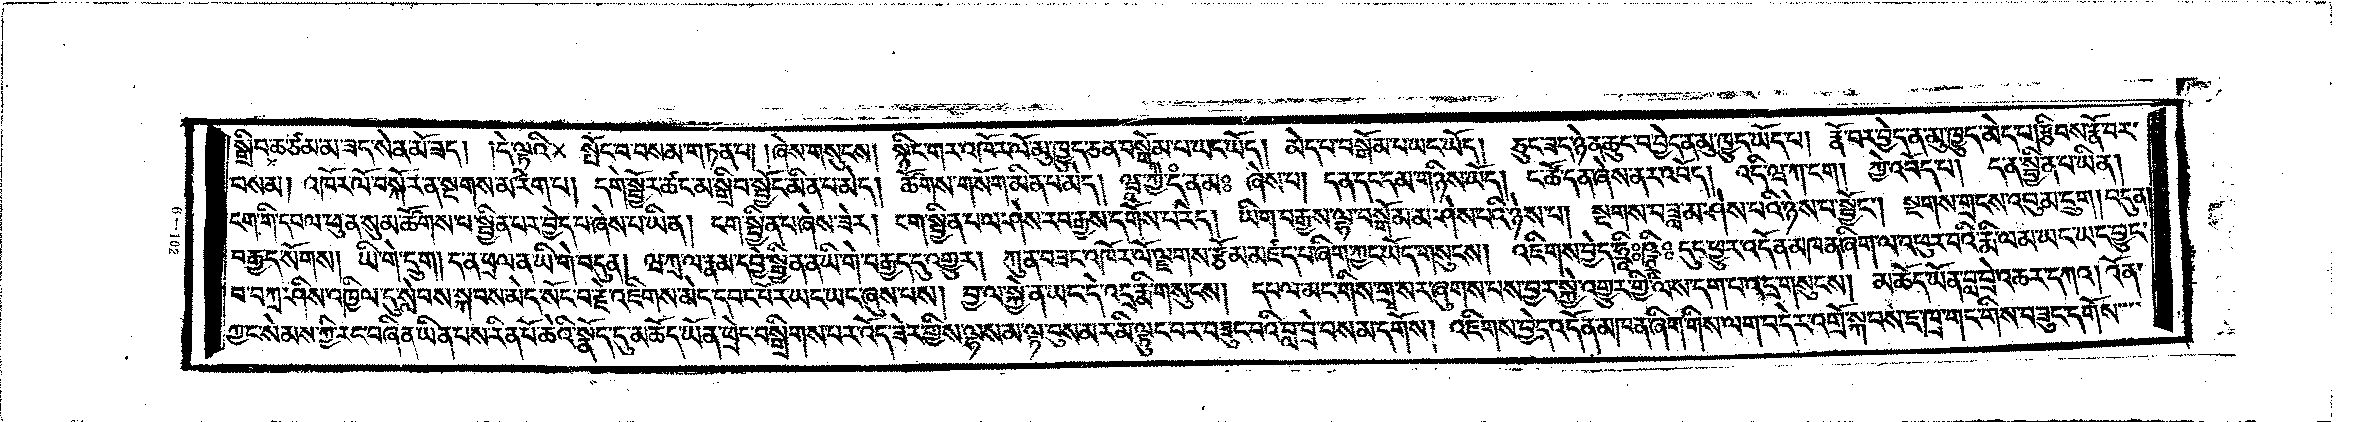སྒྲིབ་ཆ་ཙམ་མ་ཟད་སེན་མོ་ཟད། །དེ་ལྟའི་྾་སྤོང་བ་བསམ་གཏན་པ། །ཞེས་གསུངས། སྙིང་གར་འཁོར་ལོ་མུ་ཁྱུད་ཅན་བསྒོམ་པ་ཡང་ཡོད། མེད་པ་བསྒོམ་པ་ཡང་ཡོད། མེད་པ་བསྒོམ་པ་ཡང་ཡོད། ཅུང་ཟད་ཉེན་ཆུང་བ་བྱེད་ན་མུ་ཁྱུད་ཡོད་པ། རྣོ་བར་བྱེད་ན་མུ་ཁྱུད་མེད་པ་།རྩིབས་རྣོ་བར་
བསམ། འཁོར་ལོ་བསྐོར་ན་སྔགས་མ་རིག་པ། དགེ་སྦྱོར་ཚང་མ་སྒྲིབ་སྦྱོང་མིན་པ་མེད། ཚོགས་གསོག་མིན་པ་མེད། ཝཱ་ཀྱཻ་དཾ་ན་མཿཞེས་པ། དན་དང་དམ་གཉིས་ཡོད། ང་ཚོ་དན་ཞེས་ནར་འབོད། འདི་ཝ་ཀ་ངག། ཀྱེ་འབོད་པ། ད་ན་སྦྱིན་པ་ཡིན།
ངག་གི་དཔལ་ཕུན་སུམ་ཚོགས་པ་སྦྱིན་པར་བྱེད་པ་ཞེས་པ་ཡིན། ངག་སྦྱིན་པ་ཞེས་ཟེར། ངག་སྦྱིན་པ་ལ་ཤེས་རབ་རྒྱས་དགོས་པ་རེད། ཡིག་བརྒྱས་ལྷ་བསྒོམ་མ་ཤེས་པའི་ཉེས་པ། སྔགས་བཟླ་མ་ཤེས་པའི་ཉེས་པ་སྦྱོང་། སྔགས་གྲངས་འབུམ་དྲུག །འདུན་
བརྒྱད་སོགས། ཡི་གེ་དྲུག། ད་ན་ཕྲལ་ན་ཡི་གེ་བདུན། ཝ་ཀྲ་ལ་རྣམ་དབྱེ་སྦྱིན་ན་ན་ཡི་གེ་བརྒྱད་དུ་འགྱུར། ཀུན་བཟང་འཁོར་ལོ་ལྗགས་རྩོམ་མཛད་པ་ཞིག་ཡོད་ཀྱང་གསུངས། འཇིགས་བྱེད་ཧྲཱིཿཥྚཱའིཿདུང་ཕྱུར་འདོན་མཁན་ཞིག་ལ་འཕུར་བའི་རྨི་ལམ་ཡང་ཡང་བྱུང་
བ་བཀྲ་ཤིས་འཁྱིལ་དུ་སླེབས་སྐབས་མེད་སོང་བ་རྗེ་འཇིགས་མེད་དབང་པོར་ཡང་ཡང་ཞུས་པས། བྱ་ལ་སྐྱེ་ན་ཡང་དེ་འདྲ་རྨི་གསུངས། དཔལ་མང་གིས་གྲྭ་སར་ཞུགས་པས་བྱར་སྐྱེ་འགྱུར་གྱི་ལས་དག་པ་འདྲ་གསུངས། མཆོད་ཡོན་བླ་བྲེ་འཆར་དཀའ། འོན་
ཀྱང་སེམས་ཀྱི་རང་བཞིན་ཡིན་པས་རིན་པོ་ཆེའི་སྣོད་དུ་མཆོད་ཡོན་ཕྲེང་བསྒྲིགས་པར་འོད་ཟེར་གྱིས་ལྷས་མ་ལྟ་བུས་མར་མི་ལྟུང་བར་བཟུང་བའི་བླ་བྲེ་བསམ་དགོས། འཇིགས་བྱེད་འདོན་མཁན་ཞིག་གིས་ལག་བདེར་འགྲོ་སྐབས་ཇ་ཁྲ་གང་གིས་བཟུང་དགོས་